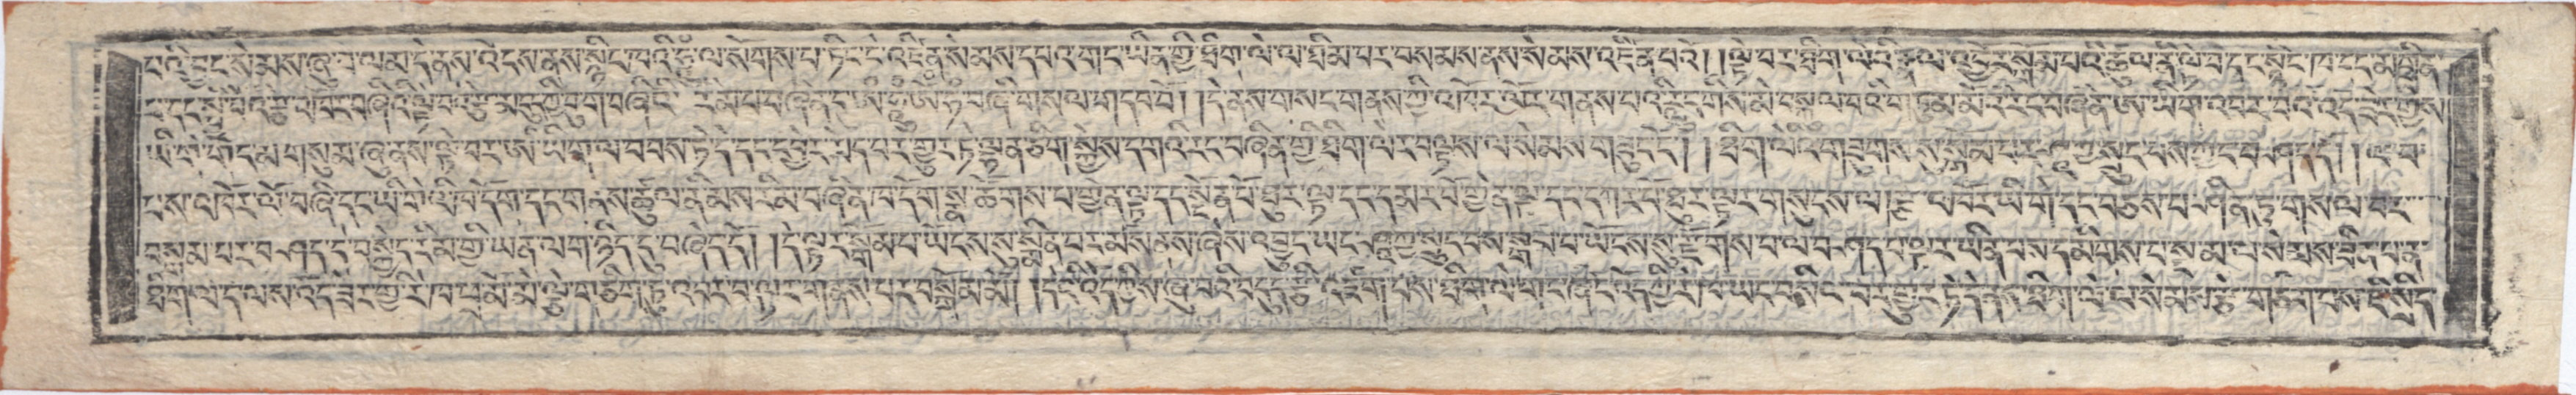པའི་བྱང་སེམས་ཞུ་བ་ལམ་དེ་ནས་འོངས་ནས་སྙིང་ཁའི་ཧཱུཾ་ལ་སོགས་པ་ཏིང་ངེ་འཛིན་སེམས་དཔའ་གང་ཡིན་གྱི་ཐིག་ལེ་ལ་ཐིམ་པར་བསམས་ནས་སེམས་འཛིན་པའོ། །ལྟེ་བར་ཐིག་ལེའི་རྣལ་འབྱོར་སྒོམ་པའི་ཚུལ་ནི་ལྟེ་བ་དང་སྙིང་ཁ་དང་མགྲིན་
པ་དང་སྤྱི་བོའི་རྩེ་འཁོར་བཞིའི་ལྟེ་བའི་རྩ་མདུད་ཀྱི་བུ་ག་བཞིའི་རིམ་པ་བཞིན་དུ་ཨཾ་ཧཱུཾ་ཨོཾ་ཧཾ་བཞི་གསལ་གདབ་བོ། །དེ་ནས་གསང་གནས་ཀྱི་འཁོར་ལོར་གནས་པའི་རླུང་གིས་མེ་བསྐུལ་བའི་གཏུམ་མོའི་རང་བཞིན་ཨ་ཡིག་འབར་བའི་འོད་ཟེར་གྱིས་
ཡི་གེ་གོང་མ་གསུམ་ཞུ་ནས་ལྟེ་བར་ཨཾ་ཡིག་ལ་བབས་ཏེ་དེ་དང་དབྱེར་མེད་པར་གྱུར་ཏེ་ལྷན་ཅིག་སྐྱེས་དགའི་རང་བཞིན་གྱི་ཐིག་ལེར་བལྟས་ལ་སེམས་གཟུང་ངོ། །ཐིག་ལེའི་གཟུགས་སུ་སྒོམ་པར་ཤཱཀྱ་སྲུང་པས་ཀྱང་བཤད་དོ། །ལ་བ་
པས་འཁོར་ལོ་བཞི་དང་ཡི་གེའི་ཁ་དོག་དང་གནས་ཚུལ་ནི་མས་རིམ་བཞིན་ཁ་དོག་སྣ་ཚོགས་པ་གྱེན་ལྟ་དང་སྔོན་པོ་ཐུར་ལྟ་དང་དམར་པོ་གྱེན་ལྟ་དང་དཀར་པོ་ཐུར་ལྟར་གསུངས་ལ། རྩ་འཁོར་ཡི་གེ་དང་བཅས་པ་ཤིན་ཏུ་གསལ་བར་
བསྒོམ་པར་བཤད་དེ་བསྐྱེད་རིམ་གྱི་ཡན་ལག་ཉིད་དུ་བཞེད་དོ། །དེ་ལྟར་སྒོམ་པ་ཡོངས་སུ་སྨིན་པར་མོས་ནས་ཞེས་འབྱུང་ཡང་ཤཱཀྱ་སྲུང་བས་སྒོམ་པ་ཡོངས་སུ་རྫོགས་པ་ལ་བཤད་པ་ལྟར་ཡིན་པས་དམིགས་པ་སྔ་མ་ལ་སེམས་ཟིན་པ་ན་
ཐིག་ལེ་དེ་ལས་འོད་ཟེར་གྱི་རེ་ཁ་ཕྲ་མོ་མེ་ལྕེ་གཅིག་ཏུ་འབར་བ་ལྟར་གནས་པར་བསྒོམ་མོ། །དེའི་འོད་ཀྱིས་ཞུ་བའི་བདུད་རྩི་འཛག་པས་ཐིག་ལེ་གང་ཞིང་འོད་ཀྱི་རེ་ཁ་ཡང་བསིལ་བར་གྱུར་ཏེ་དེ་ནས་ཐིག་ལེ་ལ་སེམས་རྩེ་གཅིག་པས་ཇི་སྲིད་